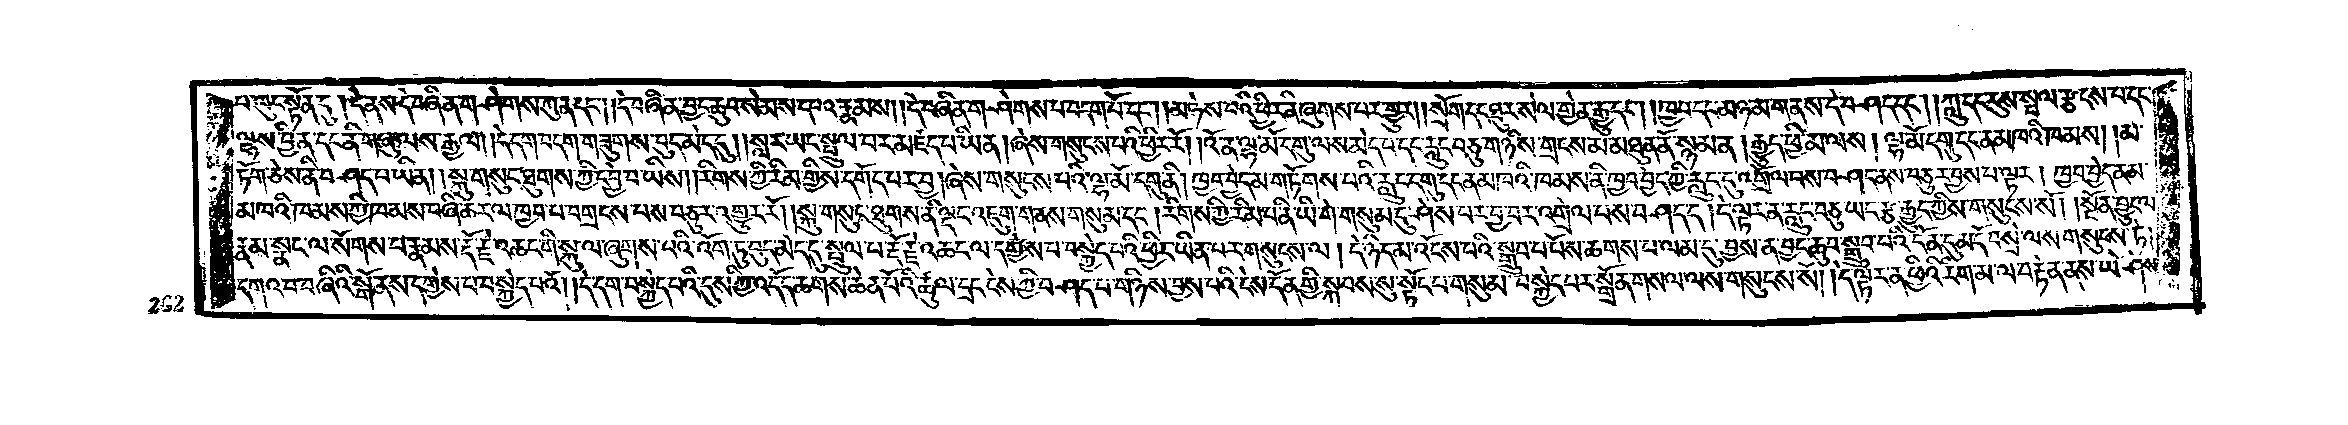པ་ལུང་སྟོན་དུ། དེ་ནས་དེ་བཞིན་གཤེགས་ཀུན་དང་། །དེ་བཞིན་བྱང་ཆུབ་སེམས་དཔའ་རྣམས། །དེ་བཞིན་གཤེགས་པ་བདག་པོ་དང་། །མཉེས་པའི་ཕྱིར་ནི་ཞུགས་པར་གྱུར། །སྲོག་དང་ཐུར་སེལ་གྱེན་རྒྱུ་དང་། །ཁྱབ་དང་མཉམ་གནས་དེ་བཤད་དང་། །ཀླུ་དང་རུས་སྦལ་རྩངས་པ་དང་ལྷས་བྱིན་དང་ནི་གཞུ་ལས་རྒྱལ། །དེ་དག་བདག་གཟུགས་བུད་མེད་དུ། །སླར་ཡང་སྤྲུལ་པར་མཛད་པ་ཡིན། ཞེས་གསུངས་པའི་ཕྱིར་རོ། །འོ་ན་ལྷ་མོ་དགུ་ལས་མེད་པ་དང་རླུང་བཅུ་གཉིས་གྲངས་མ་མཐུན་ནོ་སྙམ་ན། རྒྱུད་ཕྱི་མ་ལས། ལྷ་མོ་དགུ་དང་ནམ་མཁའི་ཁམས། །མ་
ཏོག་ཅེས་ནི་བཤད་པ་ཡིན། །སྐུ་གསུང་ཐུགས་ཀྱི་དབྱེ་བ་ཡིས། །རིགས་ཀྱི་རིམ་གྱིས་དགོད་པར་བྱ། ཞེས་གསུངས་པའི་ལྷ་མོ་དགུ་ནི། ཁྱབ་བྱེད་མ་གཏོགས་པའི་རླུང་དགུ་དང་ནམ་མཁའི་ཁམས་ནི་ཁྱབ་བྱེད་ཀྱི་རླུང་དུ་འགྲེལ་པས་བཤད་ནས་བཅུར་བྱས་པ་ལྟར། ཁྱབ་བྱེད་ནམ་
མཁའི་ཁམས་ཀྱི་ཁམས་བཞི་ཆར་ལ་ཁྱབ་པ་བགྲངས་པས་བཅུར་འགྱུར་རོ། །སྐུ་གསུང་ཐུགས་ནི་ལྡང་འཇུག་གནས་གསུམ་དང་། རིགས་ཀྱི་རིམ་པ་ནི་ཡི་གེ་གསུམ་དུ་ཤེས་པར་བྱ་བར་འགྲེལ་པས་བཤད་དོ། དེ་ལྟར་ན་རླུང་བཅུ་ཡང་རྩ་རྒྱུད་ཀྱིས་གསུངས་སོ། །སྔོན་བྱུང་ལ་
རྣམ་སྣང་ལ་སོགས་པ་རྣམས་རྡོ་རྗེ་འཆང་གི་སྐུལ་ཞུགས་པའི་འོག་ཏུ་བུད་མེད་དུ་སྤྲུལ་པ་རྡོ་རྗེ་འཆང་ལ་དགྱེས་པ་བསྐྱེད་པའི་ཕྱིར་ཡིན་པར་གསུངས་ལ། དེ་ཉིད་མ་འོངས་པའི་སྒྲུབ་པ་པོས་ཆགས་པ་ལམ་དུ་བྱས་ན་བྱང་ཆུབ་སྒྲུབ་པའི་དོན་དུ་མདོ་བསྲེ་ལས་གསུངས་ཏེ།
དགའ་བ་བཞིའི་སྒོ་ནས་དགྱེས་པ་བསྐྱེད་པའོ། །དེ་དག་བསྐྱེད་པའི་དུས་ཀྱི་འདོད་ཆགས་ཆེན་པོའི་ཚུལ་དྲང་ངེས་ཀྱི་བཤད་པ་གཉིས་བྱས་པའི་ངེས་དོན་གྱི་སྐབས་སུ་སྟོང་པ་གསུམ་བསྐྱེད་པར་སྒྲོན་གསལ་ལས་གསུངས་སོ། །དེ་ལྟར་ན་ཕྱིའི་རིག་མ་ལ་བརྟེན་ནས་ཡེ་ཤེས་